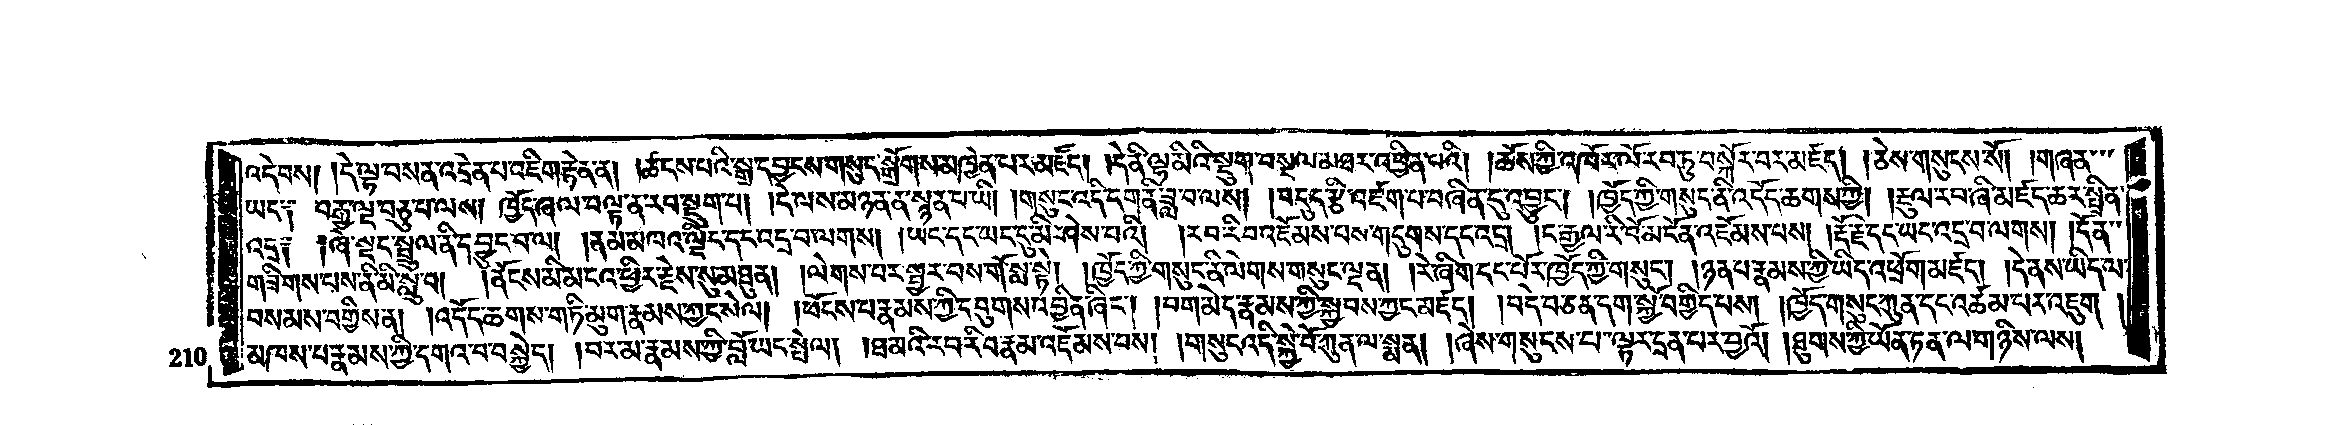འདེབས། །དེ་ལྟ་བས་ན་འདྲེན་པ་འཇིག་རྟེན་ན། །ཚངས་པའི་སྒྲ་དབྱངས་གསུང་སྒྲོགས་མཁྱེན་པར་མཛོད། །དེ་ནི་ལྷ་མིའི་སྡུག་བསྔལ་མཐར་འབྱིན་པའི། །ཆོས་ཀྱི་འཁོར་ལོ་རབ་ཏུ་བསྐོར་བར་མཛད། །ཅེས་གསུངས་སོ། །གཞན་
ཡང༑ བརྒྱ་ལྔ་བཅུ་པ་ལས། ཁྱོད་ཞལ་བལྟ་ན་རབ་སྡུག་པ། །དེ་ལས་མཉན་ན་སྙན་པ་ཡི། །གསུང་འདི་དག་ནི་ཟླ་བ་ལས། །བདུད་རྩི་འཛག་པ་བཞིན་དུ་འབྱུང་། །ཁྱོད་ཀྱི་གསུང་ནི་འདོད་ཆགས་ཀྱི། །རྡུལ་རབ་ཞི་མཛད་ཆར་སྤྲིན་
འདྲ༑ ༑ཞེ་སྡང་སྦྲུལ་ནི་དབྱུང་བ་ལ། །ནམ་མཁའ་ལྡིང་དང་འདྲ་བ་ལགས། །ཡང་དང་ཡང་དུ་མི་ཤེས་པའི། །རབ་རིབ་འཇོམས་པས་གདུགས་དང་འདྲ། །ང་རྒྱལ་རི་བོ་མངོན་འཇོམས་པས། །རྡོ་རྗེ་དང་ཡང་འདྲ་བ་ལགས། །དོན་
གཟིགས་པས་ནི་མི་སླུ་བ། །ནོངས་མི་མངའ་ཕྱིར་རྗེས་སུ་མཐུན། །ལེགས་པར་སྦྱར་བས་གོ་སླ་སྟེ། །ཁྱོད་ཀྱི་གསུང་ནི་ལེགས་གསུང་ལྡན། །རེ་ཞིག་དང་པོར་ཁྱོད་ཀྱི་གསུང་། །ཉན་པ་རྣམས་ཀྱི་ཡིད་འཕྲོག་མཛད། །དེ་ནས་ཡིད་ལ་
བསམས་བགྱིས་ན། །འདོད་ཆགས་གཏི་མུག་རྣམས་ཀྱང་སེལ། །ཕོངས་པ་རྣམས་ཀྱི་དབུགས་འབྱིན་ཞིང་། །བག་མེད་རྣམས་ཀྱི་སྐྱབས་ཀྱང་མཛད། །བདེ་བ་ཅན་དག་སྐྱོ་བགྱིད་པས། །ཁྱོད་གསུང་ཀུན་དང་འཚམ་པར་འཇུག །
མཁས་པ་རྣམས་ཀྱི་དགའ་བ་བསྐྱེད། །བར་མ་རྣམས་ཀྱི་བློ་ཡང་སྤེལ། །ཐ་མའི་རབ་རིབ་རྣམ་འཇོམས་པས། །གསུང་འདི་སྐྱེ་བོ་ཀུན་ལ་སྨན། །ཞེས་གསུངས་པ་ལྟར་དྲན་པར་བྱའོ། །ཐུགས་ཀྱི་ཡོན་ཏན་ལ་གཉིས་ལས།